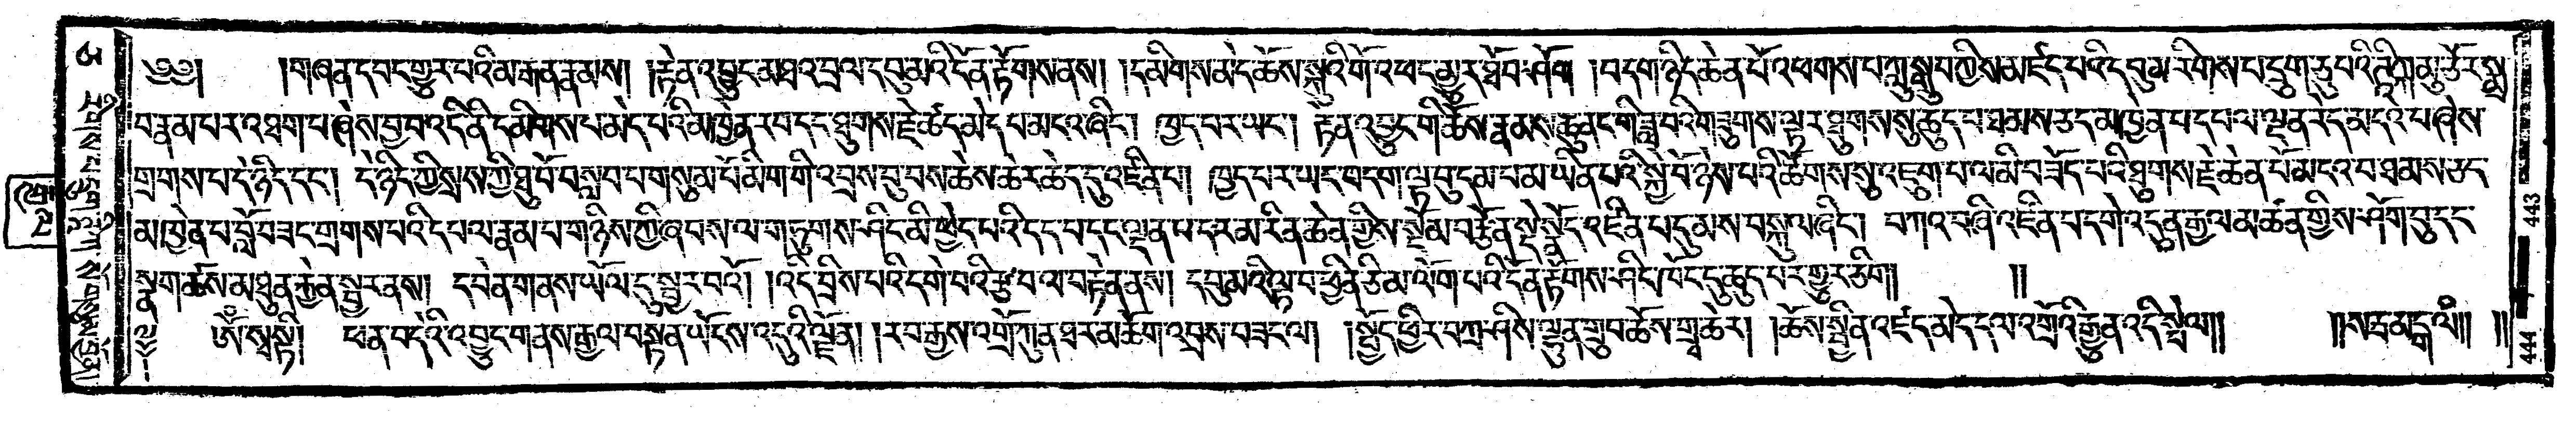༄༅། །གཞན་དབང་གྱུར་བའི་མ་རྒན་རྣམས། །རྟེན་འབྱུང་མཐའ་བྲལ་དབུ་མའི་དོན་རྟོགས་ནས། །དམིགས་མེད་ཆོས་སྐུའི་གོ་འཕང་མྱུར་ཐོབ་ཤོག །བདག་ཉིད་ཆེན་པོ་འཕགས་པ་ཀླུ་སྒྲུབ་ཀྱིས་མཛད་པའི་དབུ་མ་རིགས་པ་དྲུག་ཅུ་པའི་ཊཱིཀྐ་མུ་ཅོར་སྨྲ་
བ་རྣམ་པར་འཐག་པ་ཞེས་བྱ་བ་འདི་ནི་དམིགས་པ་མེད་པའི་མཁྱེན་རབ་དང་ཐུགས་རྗེ་ཚད་མེད་པ་མངའ་ཞིང་། ཁྱད་པར་ཡང་། རྟེན་འབྱུང་གི་ཆོས་རྣམས་ཆུ་ནང་གི་ཟླ་བའི་གཟུགས་ལྟར་ཐུགས་སུ་ཆུད་པ་ཐམས་ཅད་མཁྱེན་པ་དཔལ་ལྡན་རེད་མདའ་པ་ཞེས་
གྲགས་པ་དེ་ཉིད་དང་། དེ་ཉིད་ཀྱི་སྲས་ཀྱི་ཐུ་བོ་བསླབ་པ་གསུམ་པོ་མིག་གི་འབྲས་བུ་བས་ཆེས་ཆེར་ཆེད་དུ་འཛིན་པ། ཁྱད་པར་ཡང་བདག་ལྟ་བུ་དམ་པ་མ་ཡིན་པའི་སྐྱེ་བོ་ཉེས་པའི་ཚོགས་སུ་འཇུག་པ་ལ་མི་བཟོད་པའི་ཐུགས་རྗེ་ཆེན་པོ་མངའ་བ་ཐམས་ཅད་
མཁྱེན་པ་བློ་བཟང་གྲགས་པའི་དཔལ་རྣམ་པ་གཉིས་ཀྱི་ཞབས་ལ་གཏུགས་ཤིང་མི་ཕྱེད་པའི་དད་པ་དང་ལྡན་པ་དར་མ་རིན་ཆེན་གྱིས་སྡོམ་བརྩོན་སྡེ་སྣོད་འཛིན་པ་དུ་མས་བསྐུལ་ཞིང་། བཀའ་བཞི་འཛིན་པ་དགེ་འདུན་རྒྱལ་མཚན་གྱིས་ཤོག་བུ་དང་
སྣག་ཚས་མཐུན་རྐྱེན་སྦྱར་ནས། དབེན་གནས་ཡོལ་དུ་སྦྱར་བའོ། །འདི་བྲིས་པའི་དགེ་བའི་རྩ་བ་ལ་བརྟེན་ནས། དབུ་མའི་ལྟ་བ་ཕྱིན་ཅི་མ་ལོག་པའི་དོན་རྟོགས་ཤིང་ཁོང་དུ་ཆུད་པར་གྱུར་ཅིག། །།
~་ཨོཾ་སྭ་སྟི། ཕན་བདེའི་འབྱུང་གནས་རྒྱལ་བསྟན་ཡོངས་འདུའི་ལྗོན། །རབ་རྒྱས་འགྲོ་ཀུན་ཐར་མཆོག་འབྲས་བཟང་ལ། །སྤྱོད་ཕྱིར་བཀྲ་ཤིས་ལྷུན་གྲུབ་ཆོས་གྲྭ་ཆེར། །ཆོས་སྦྱིན་འཛད་མེད་དལ་འགྲོའི་རྒྱུན་འདི་སྤེལ།། །།སརྦ་མངྒ་ལཾ།། །།